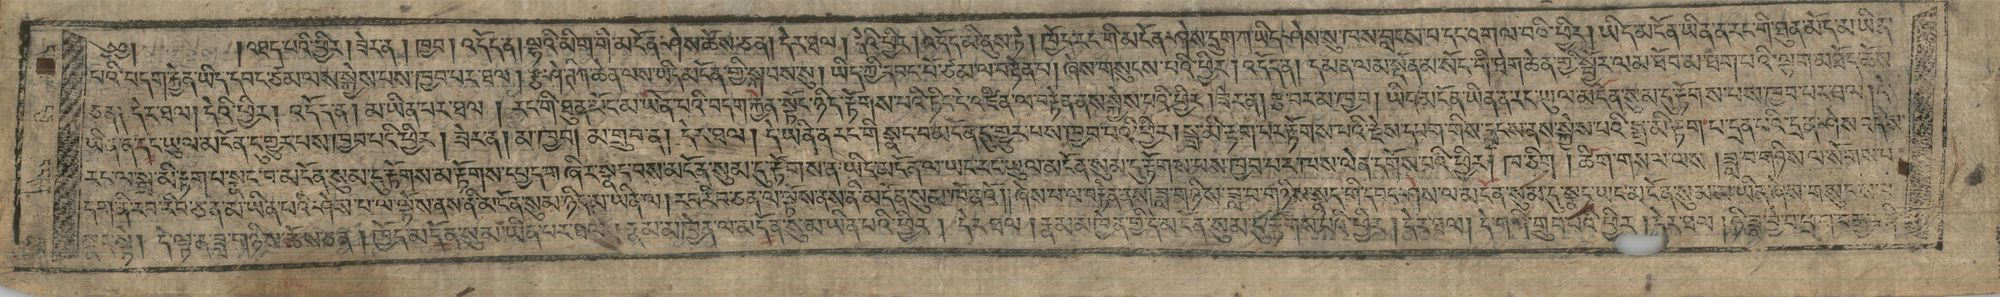༄༅། །འཐད་པའི་ཕྱིར། ཟེར་ན་མ་ཁྱབ། འདོད་ན། ལྷའི་མིག་གི་མངོན་ཤེས་ཆོས་ཅན། དེར་ཐལ། དེའི་ཕྱིར། འདོད་མི་ནུས་ཏེ། ཁྱོད་རང་གིས་མངོན་ཤེས་དྲུག་ཀ་ཡིད་ཤེས་སུ་ཁས་བླངས་པ་དང་འགལ་བའི་ཕྱིར། ཡིད་མངོན་ཡིན་ན་རང་གི་ཐུན་མོང་མ་ཡིན་
པའི་བདག་རྐྱེན་ཡིད་དབང་ཙམ་ལས་སྐྱེས་པས་ཁྱབ་པར་ཐལ། རྩ་ཤེ་ཊིཀ་ཆེན་ལས་ཡིད་མངོན་གྱི་སྐབས་སུ། ཡིད་ཀྱི་དབང་པོ་ཙམ་ལ་བརྟེན་པ། ཞེས་གསུངས་པའི་ཕྱིར། འདོད་ན། དམན་ལམ་སྔོན་མ་སོང་གི་ཐེག་ཆེན་གྱི་སྦྱོར་ལམ་ཐོབ་མ་ཐག་པའི་ལྷག་མཐོང་ཆོས་
ཅན༑ དེར་ཐལ། དེའི་ཕྱིར། འདོད་ན། མ་ཡིན་པར་ཐལ། རང་གི་ཐུན་མོང་མ་ཡིན་པའི་བདག་རྐྱེན་སྟོང་ཉིད་རྟོགས་པའི་ཏིང་ངེ་འཛིན་ལ་བརྟེན་ནས་སྐྱེས་པའི་ཕྱིར། ཟེར་ན། རྩ་བར་མ་ཁྱབ། ཡིད་མངོན་ཡིན་ན་རང་ཡུལ་མངོན་སུམ་དུ་རྟོགས་པས་ཁྱབ་པར་ཐལ། དེ་
ཡིན་ན་རང་ཡུལ་མངོན་དུ་གྱུར་པས་ཁྱབ་པའི་ཕྱིར། ཟེར་ན། མ་ཁྱབ། མ་གྲུབ་ན། དེར་ཐལ། དེ་ཡིན་ན་རང་གི་སྣང་བ་མངོན་དུ་གྱུར་པས་ཁྱབ་པའི་ཕྱིར། སྒྲ་མི་རྟག་པར་རྟོགས་པའི་རྗེས་དཔག་གིས་དྲངས་ནས་སྐྱེས་པའི་སྒྲ་མི་རྟག་པ་དྲན་པའི་དྲན་ཤེས་འདིས་
རང་ལ་སྒྲ་མི་རྟག་པ་སྣང་བ་མངོན་སུམ་དུ་རྟོགས་མ་རྟོགས་དཔྱད་གཞིར་སྣང་བས་མངོན་སུམ་དུ་རྟོགས་ན་ཡིད་མངོན་ལ་ཡང་རང་ཡུལ་མངོན་སུམ་དུ་རྟོགས་པས་ཁྱབ་པར་ཁས་ལེན་དགོས་པའི་ཕྱིར། ཁ་ཅིག །ཚིག་གསལ་ལས། ཟླ་བ་གཉིས་ལ་སོགས་པ་
དག་ནི་རབ་རིབ་ཅན་མ་ཡིན་པའི་ཤེས་པ་ལ་ལྟོས་ནས་ནི་མངོན་སུམ་ཉིད་མ་ཡིན་ལ། རབ་རིབ་ཅན་ལ་ལྟོས་ནས་ནི་མངོན་སུམ་ཁོ་ནའོ། །ཞེས་པ་ལ་བརྟེན་ནས། ཟླ་གཉིས་ཟླ་བ་གཉིས་སྣང་གི་དབང་ཤེས་ལ་མངོན་སུམ་དུ་སྣང་ཡང་མངོན་སུམ་མ་ཡིན་ཞེས་གསུངས་པ་
སྣདྶྟེ། དེ་ལྟ་ན་ཟླ་གཉིས་ཆོས་ཅན། ཁྱོད་མངོན་སུམ་ཡིན་པར་ཐལ། རྣམ་མཁྱེན་ལ་མངོན་སུམ་ཡིན་པའི་ཕྱིར། དེར་ཐལ། རྣམ་མཁྱེན་གྱི་དེ་མངོན་སུམ་དུ་རྟོགས་པའི་ཕྱིར། དེར་ཐལ། དེ་གཞི་གྲུབ་པའི་ཕྱིར། དེར་ཐལ། ཉི་ཟླ་བྱེ་བ་ཕྲག་བརྒྱ་བཞི་